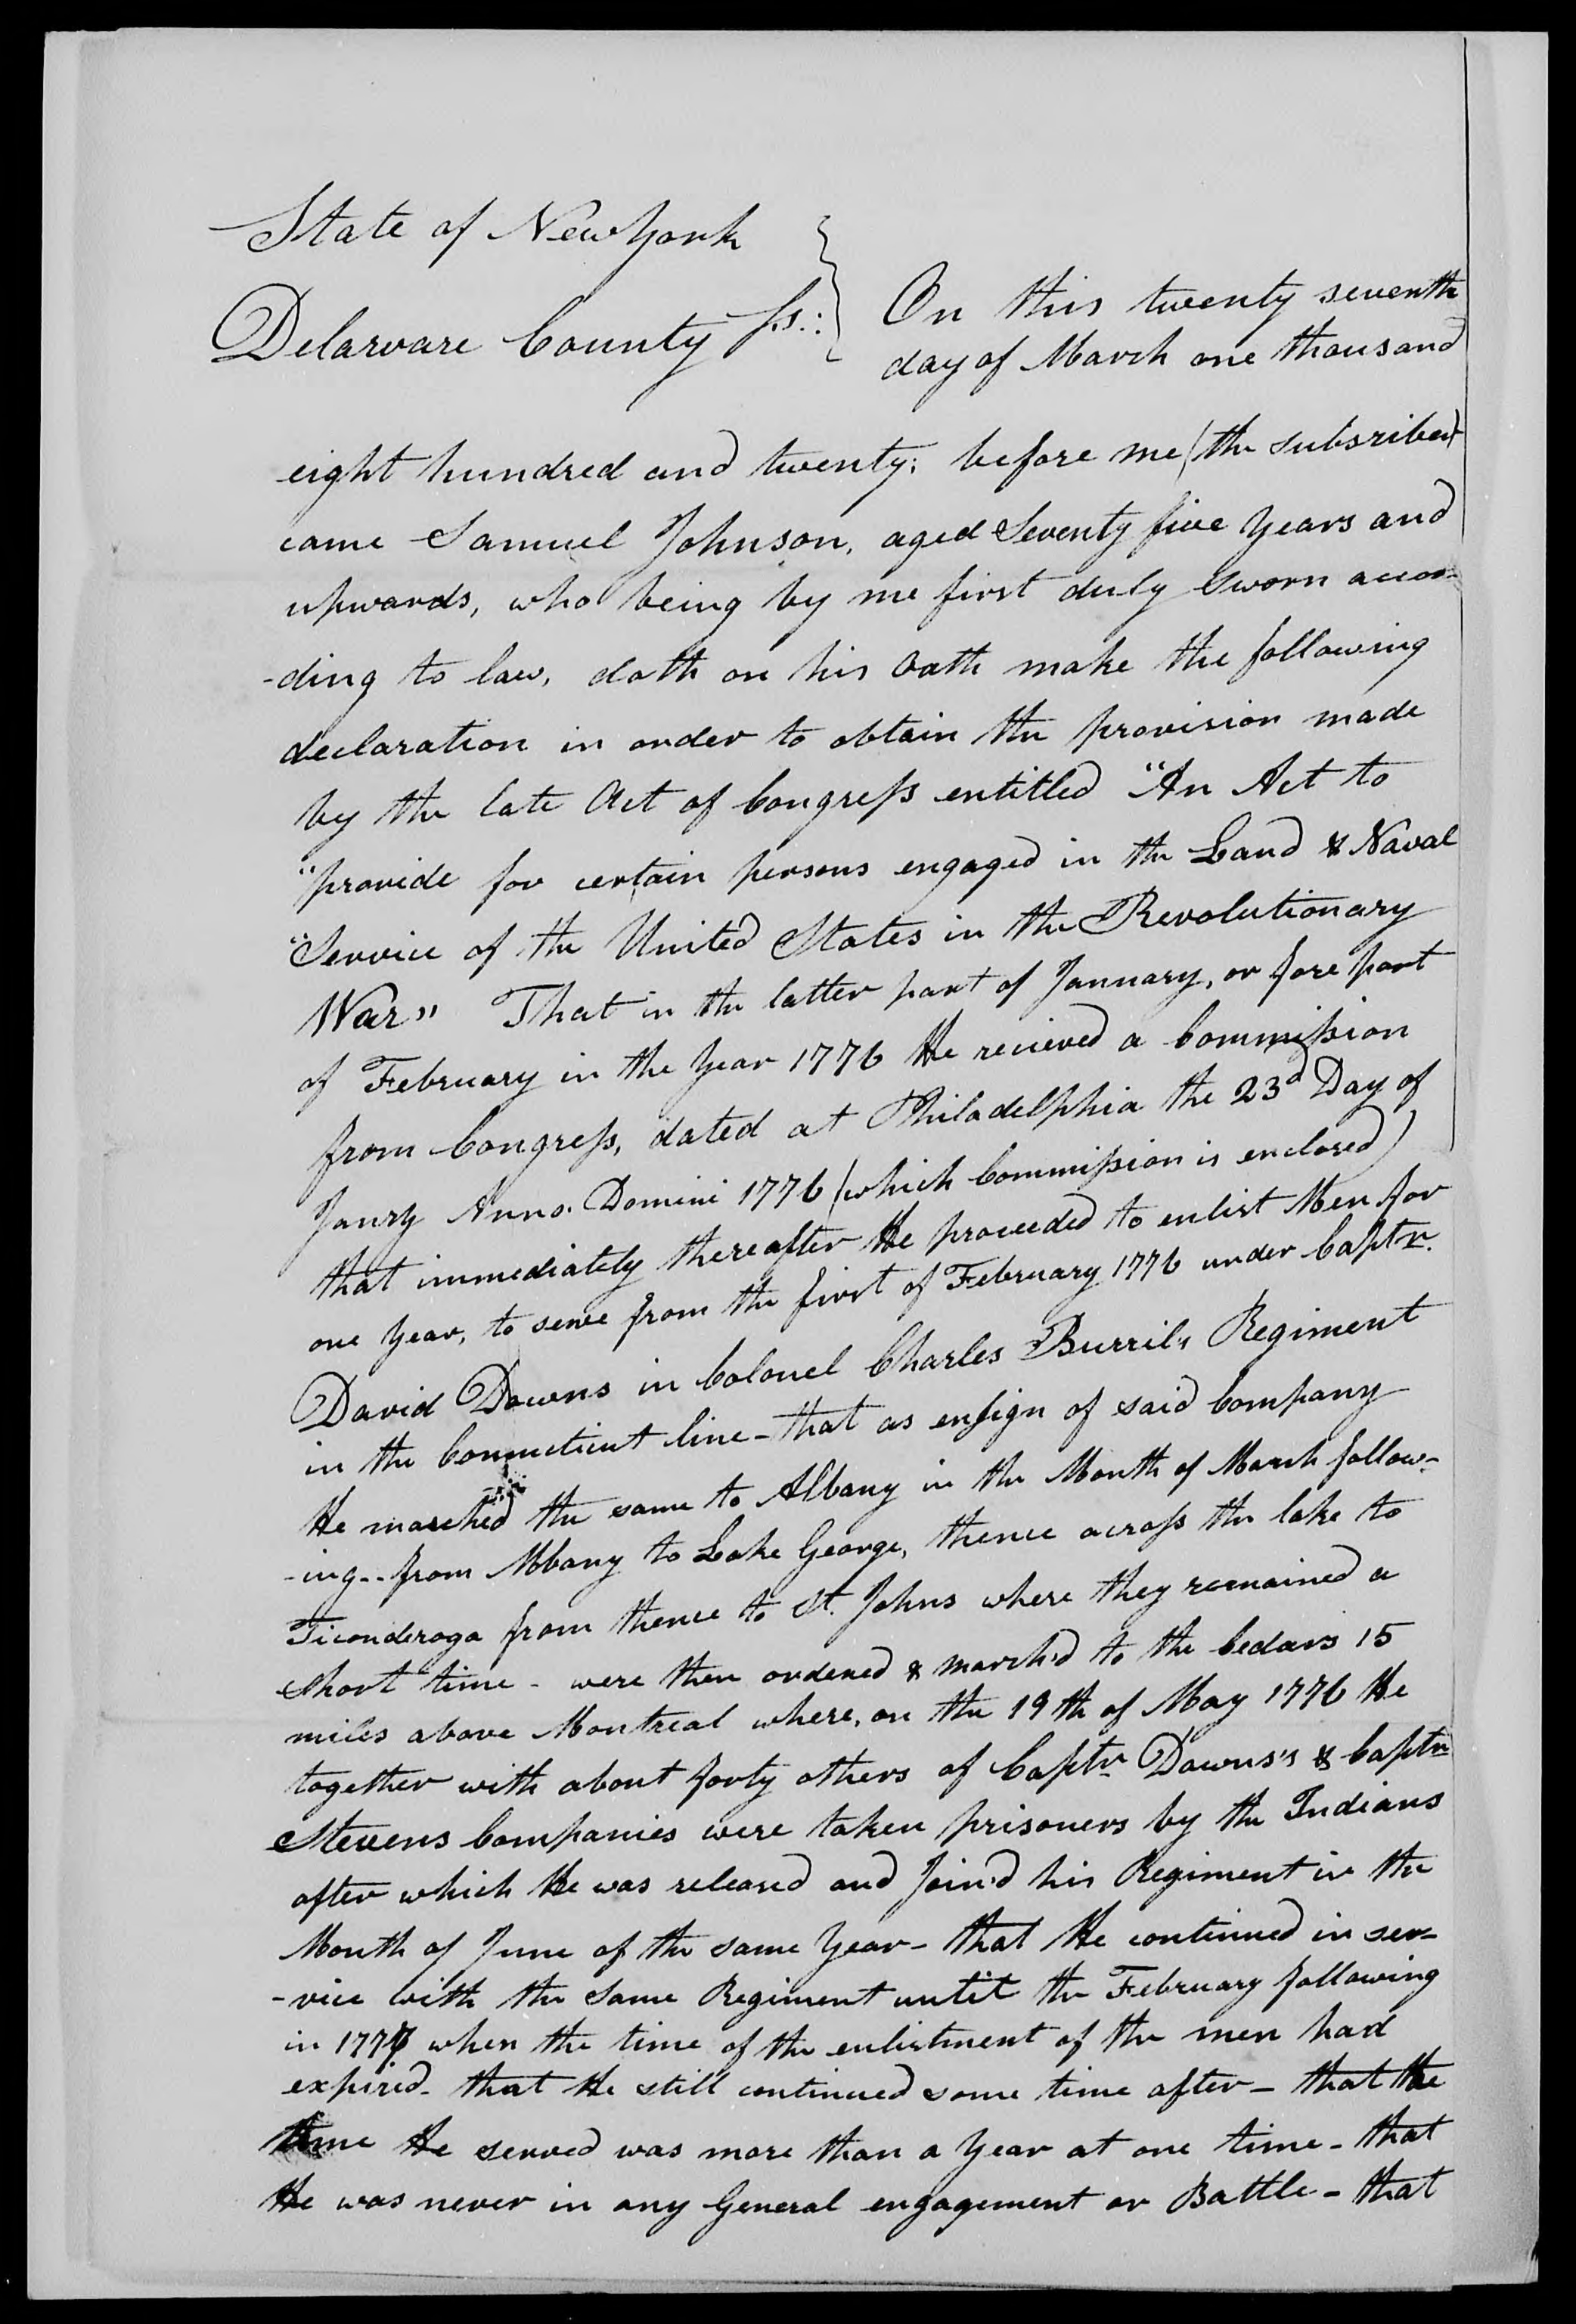State of New York 
Delaware County ss } On this twenty seventh day of March one thousand eight hundred and twenty, before me the subscriber came Samuel Johnson, aged Seventy five years and upwards, who being by me first duly sworn according to law, doth on his oath make the following declaration in order to obtain the provision made by the late Act of Congress entitled "An Act to provide for certain persons engaged in the Land & Naval Service of the United States in the Revolutionary War”.  That in the latter part of January or fore part of February in the year 1776 he received a Commission from Congress, dated at Philadelphia the 23d Day of Janry Anno Domini 1776 which Commission is enclosed that immediately thereafter the proceeded to enlistment for one year to serve from the first of February 1776 under Capt David Downs in Colonel Charles Burril’s Regiment in the Connecticut line - that as ensign of said Company.   He marched the same to Albany in the month of March following from Albany to Lake George, thence across the lake to Ticonderoga from thence to St. Johns where they remained a short time were then ordered & marched to the Cedars 15 miles above Montreal where, on the 19th of May 1776 He together with about forty others of Capt Downs's & Capt Stevens Companies were taken prisoners by the Indians after which he was released and joined his Regiment in the month of June of the same year.  That he continued in ser vice with the same Regiment until the February following in 1777. when the time of the enlistment of the men had expired.  That he still continued some time after - that the time he served was more than a year at one time that He was never in any General engagement or Battle.  That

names: Samuel Johnson; David Downs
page: 35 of 43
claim: rejected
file: R. 5655, for Samuel Johnson, Connecticut